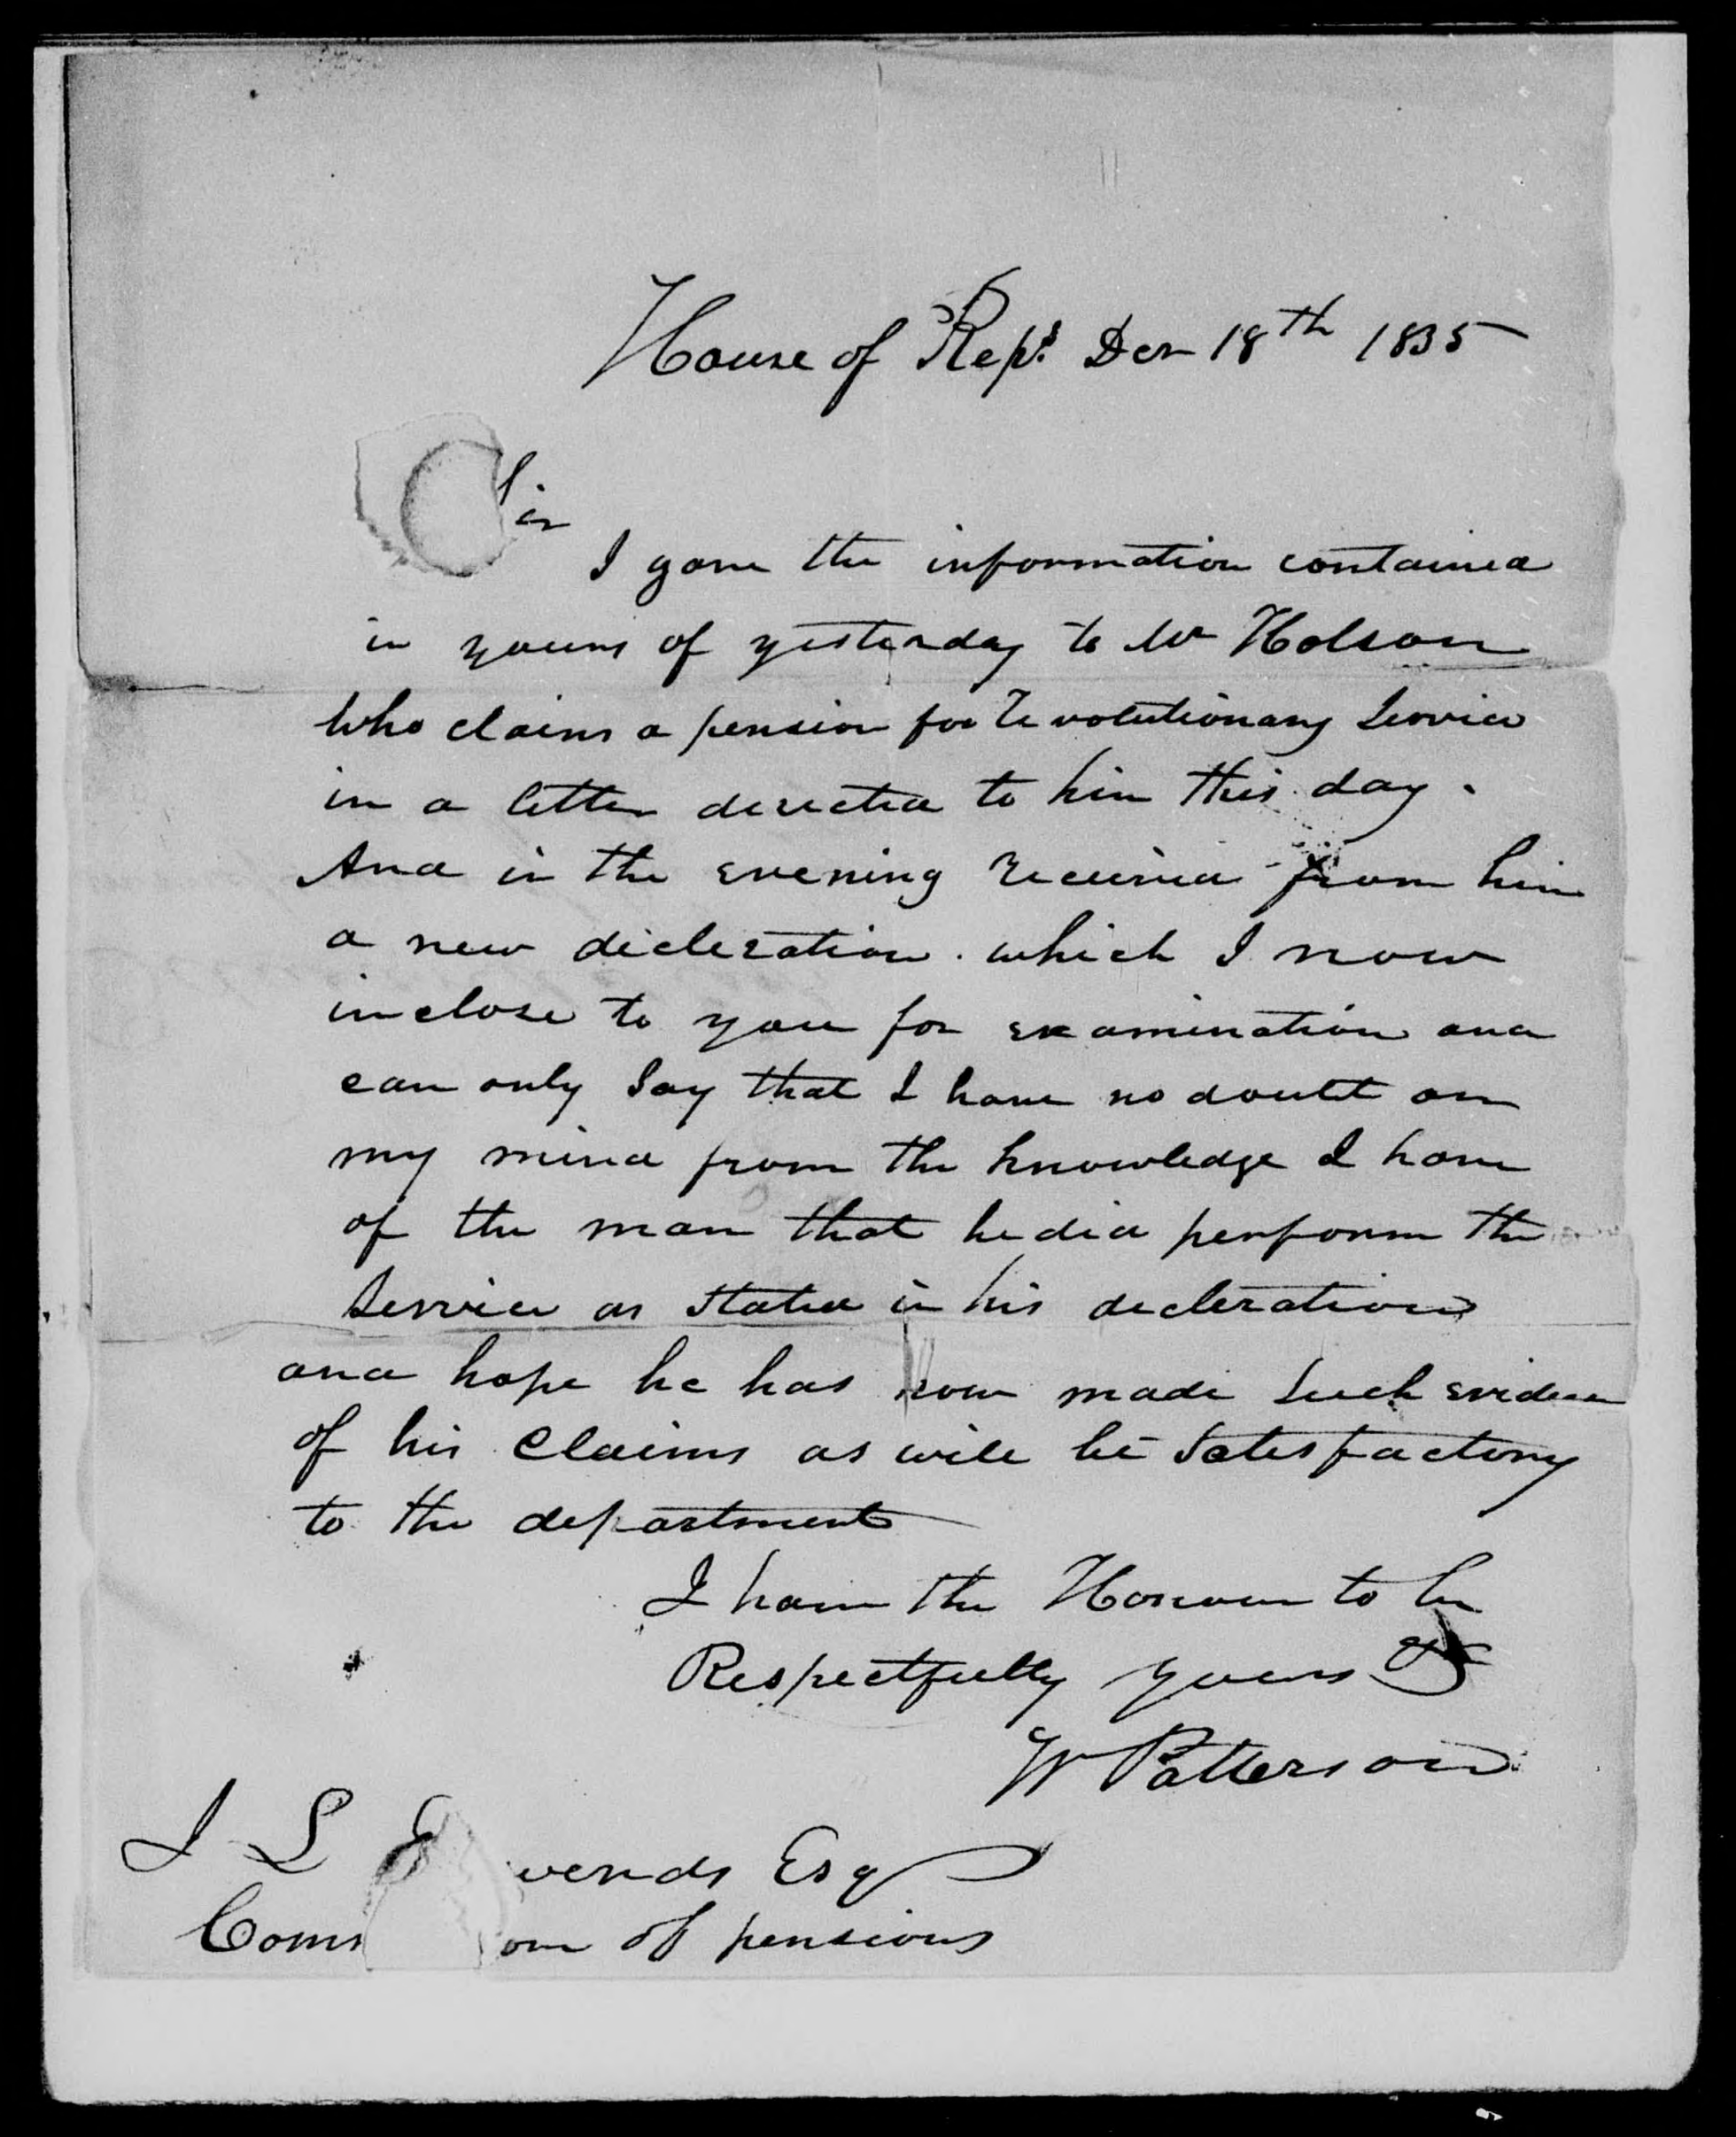House of Reps. Dec 18th 1835
Sir
I gave the information contained in yours of yesterday to Mr Holson who claims a pension for Revolutionary Service in a letter directed to him this day.
And in the evening received from him a new declaration. which I now inclose to you for examination and can only say that I have no doubt on my mind from the knowledge I have of the man that he did perform the service as stated in his declaration and hope he has now made such evidence of his Claims as will be satisfactory to the department
I have the Honour to be
Respectfully yours &c
W Patterson
J L Edwards Esq
Commissioner of Pensions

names: W Patterson, J L Edwards, Holson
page: 27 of 33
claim: survivor's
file: S. 9587, William Holson, Va.